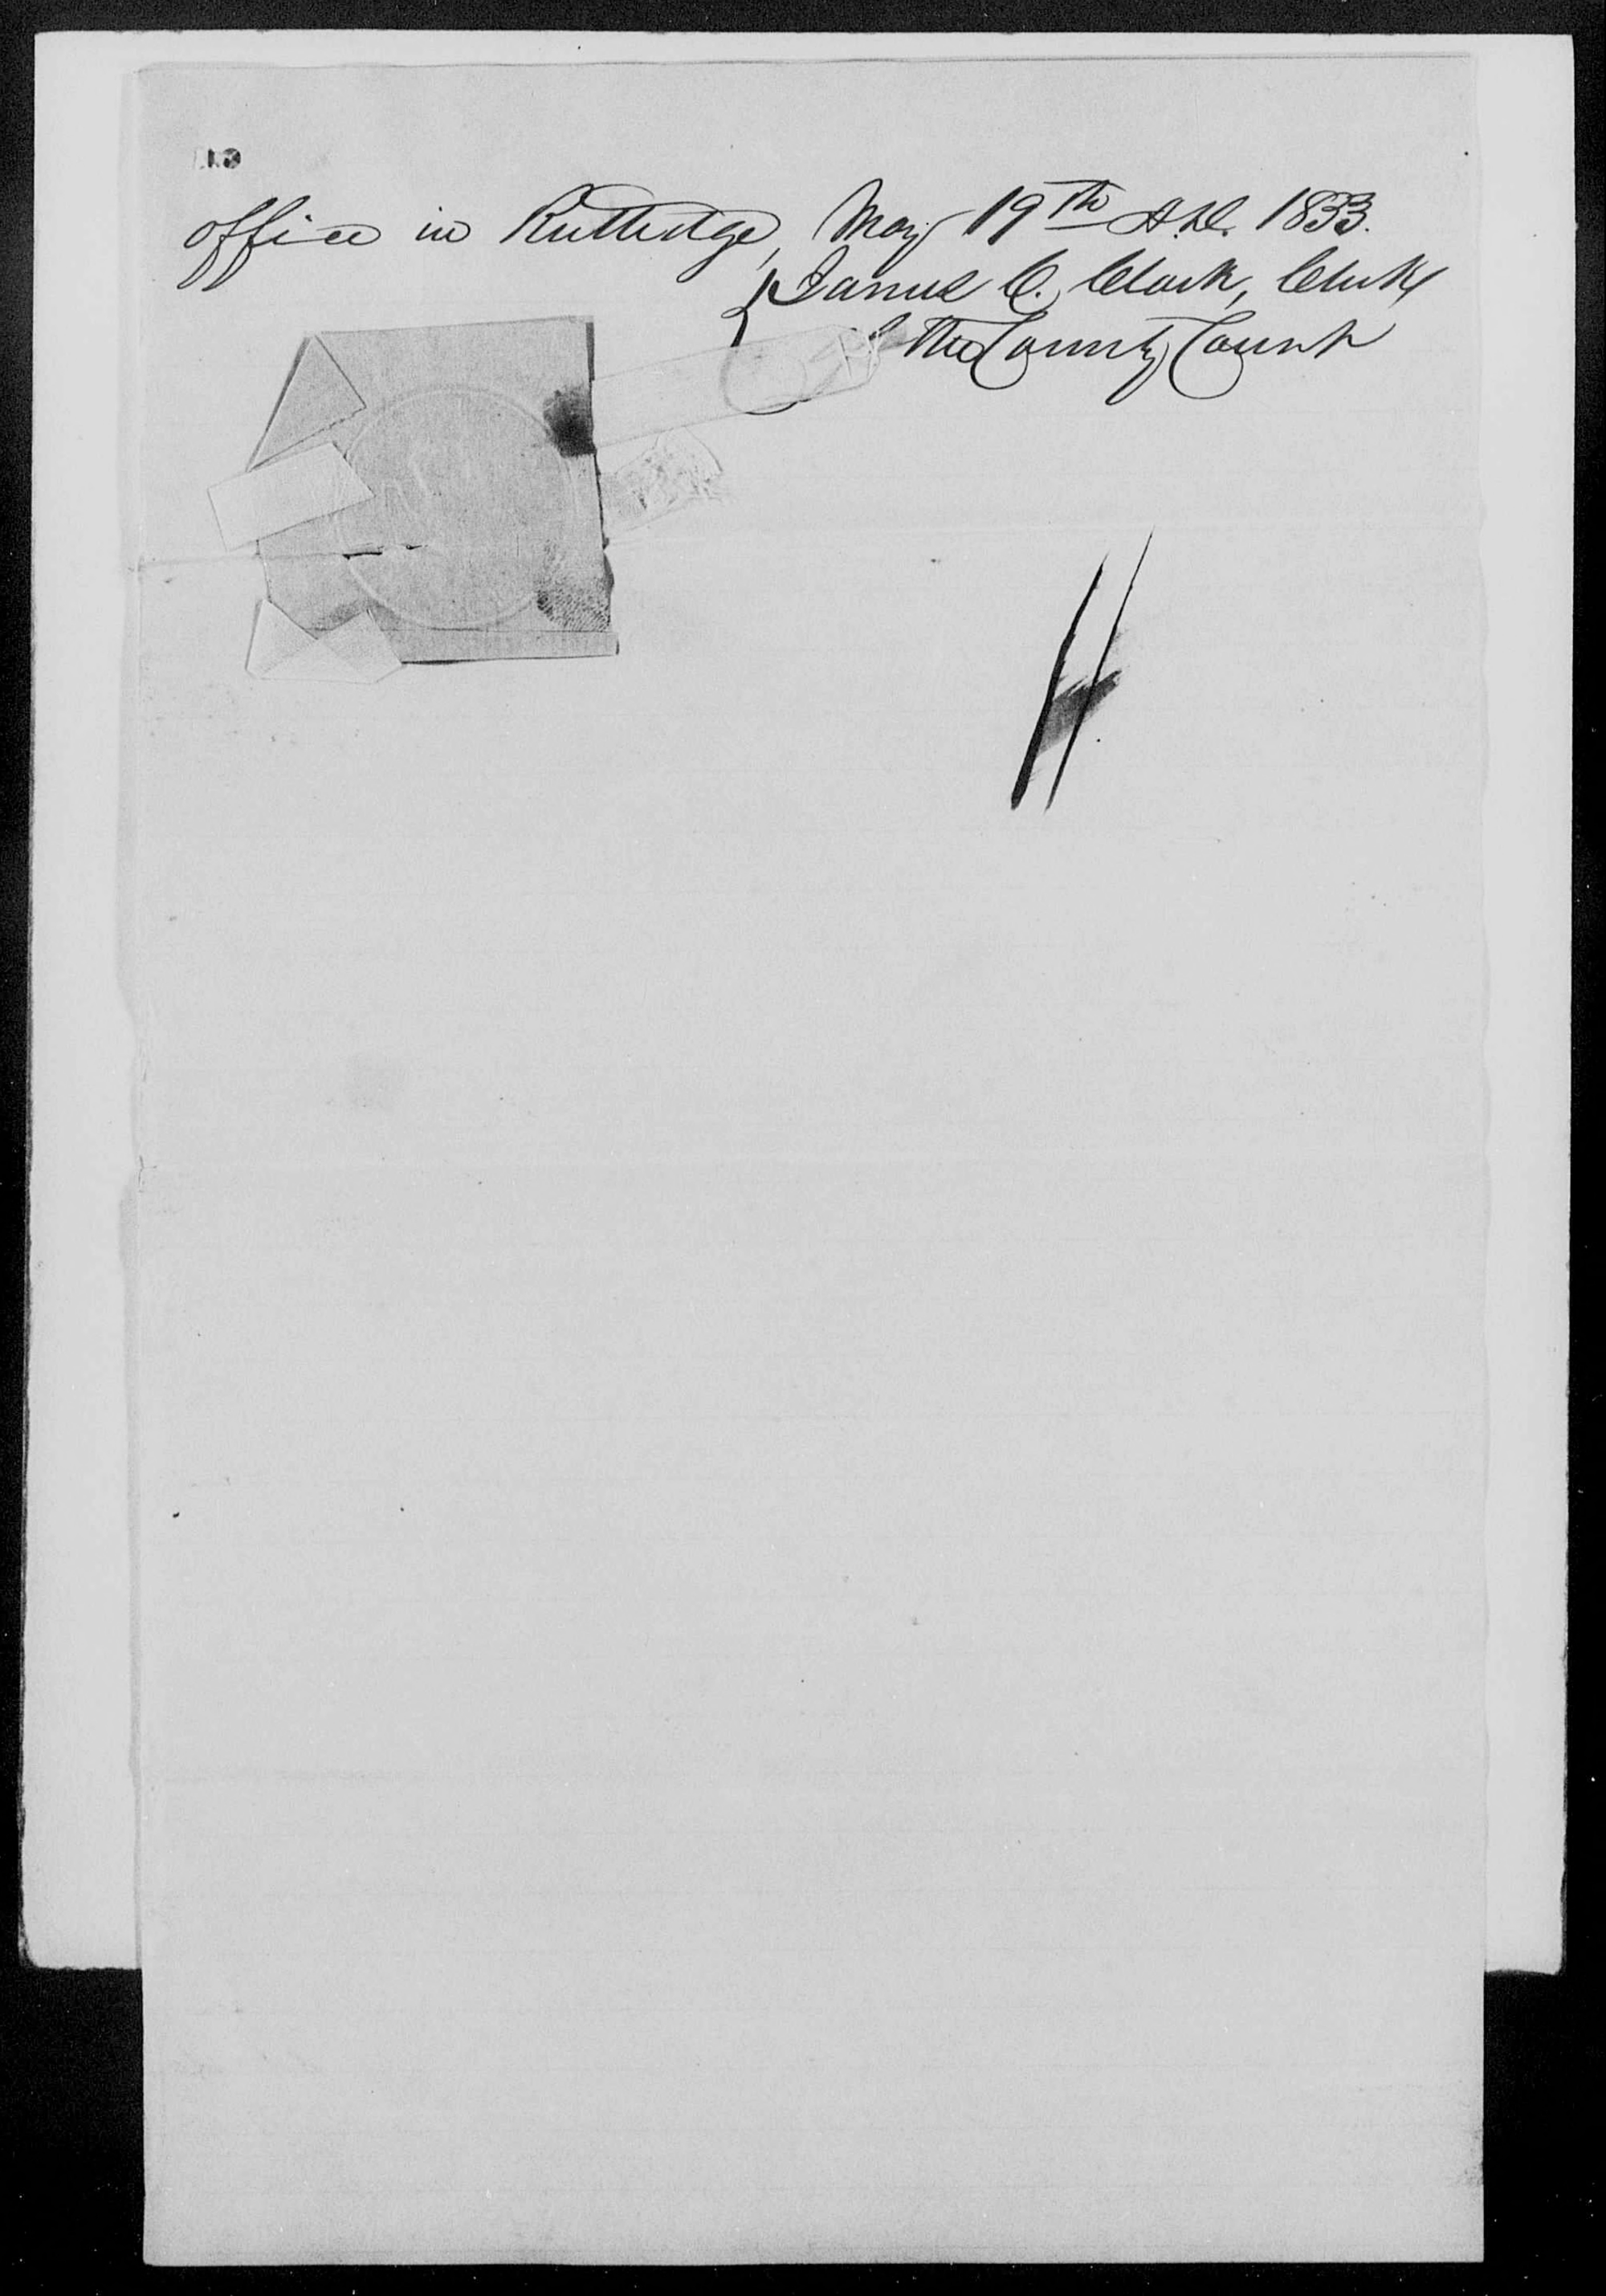office in Rutledge, May 19th A.D. 1833.
James C Clark, Clerk
of the County Court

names: James C Clark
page: 17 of 86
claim: widow's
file: W. 1035, John Hubbs, S.C.